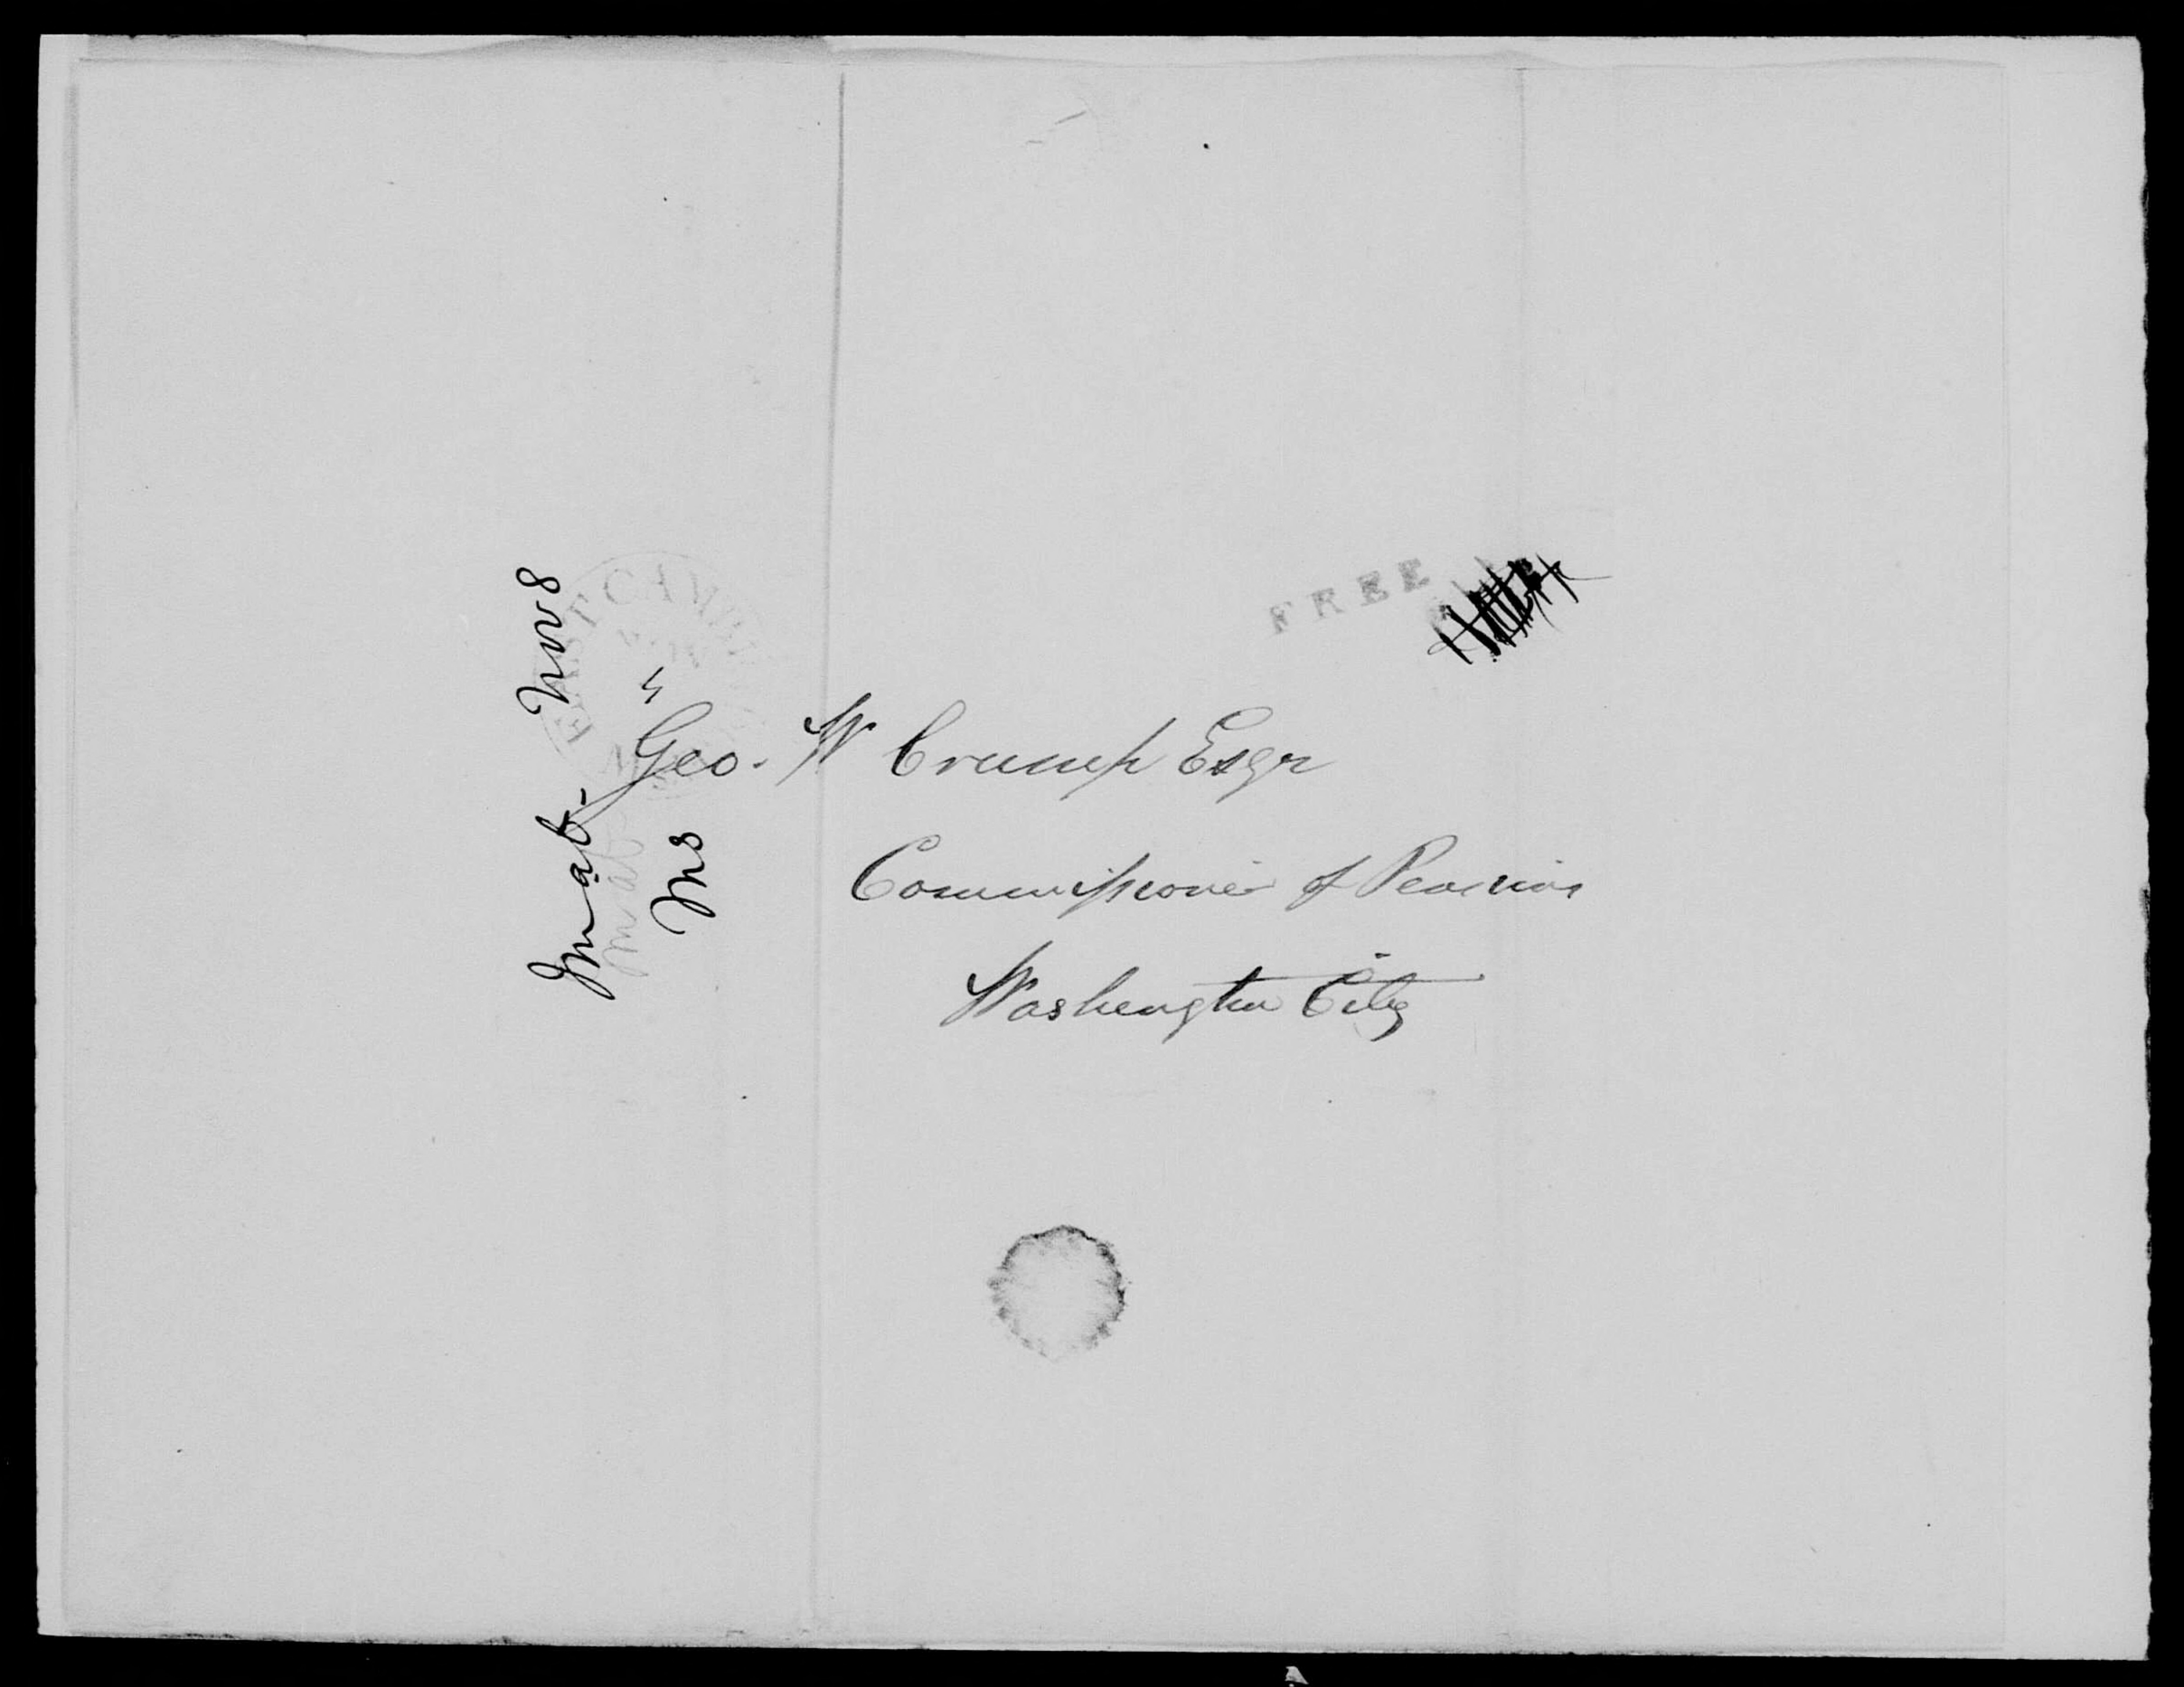[illegible] Nov 8 
Geo W Crump Esqr
Commissioner of Pensions
Washington City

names: Geo W Crump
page: 12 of 22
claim: widow's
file: W. 14,552, Abel Cutler, Mass.